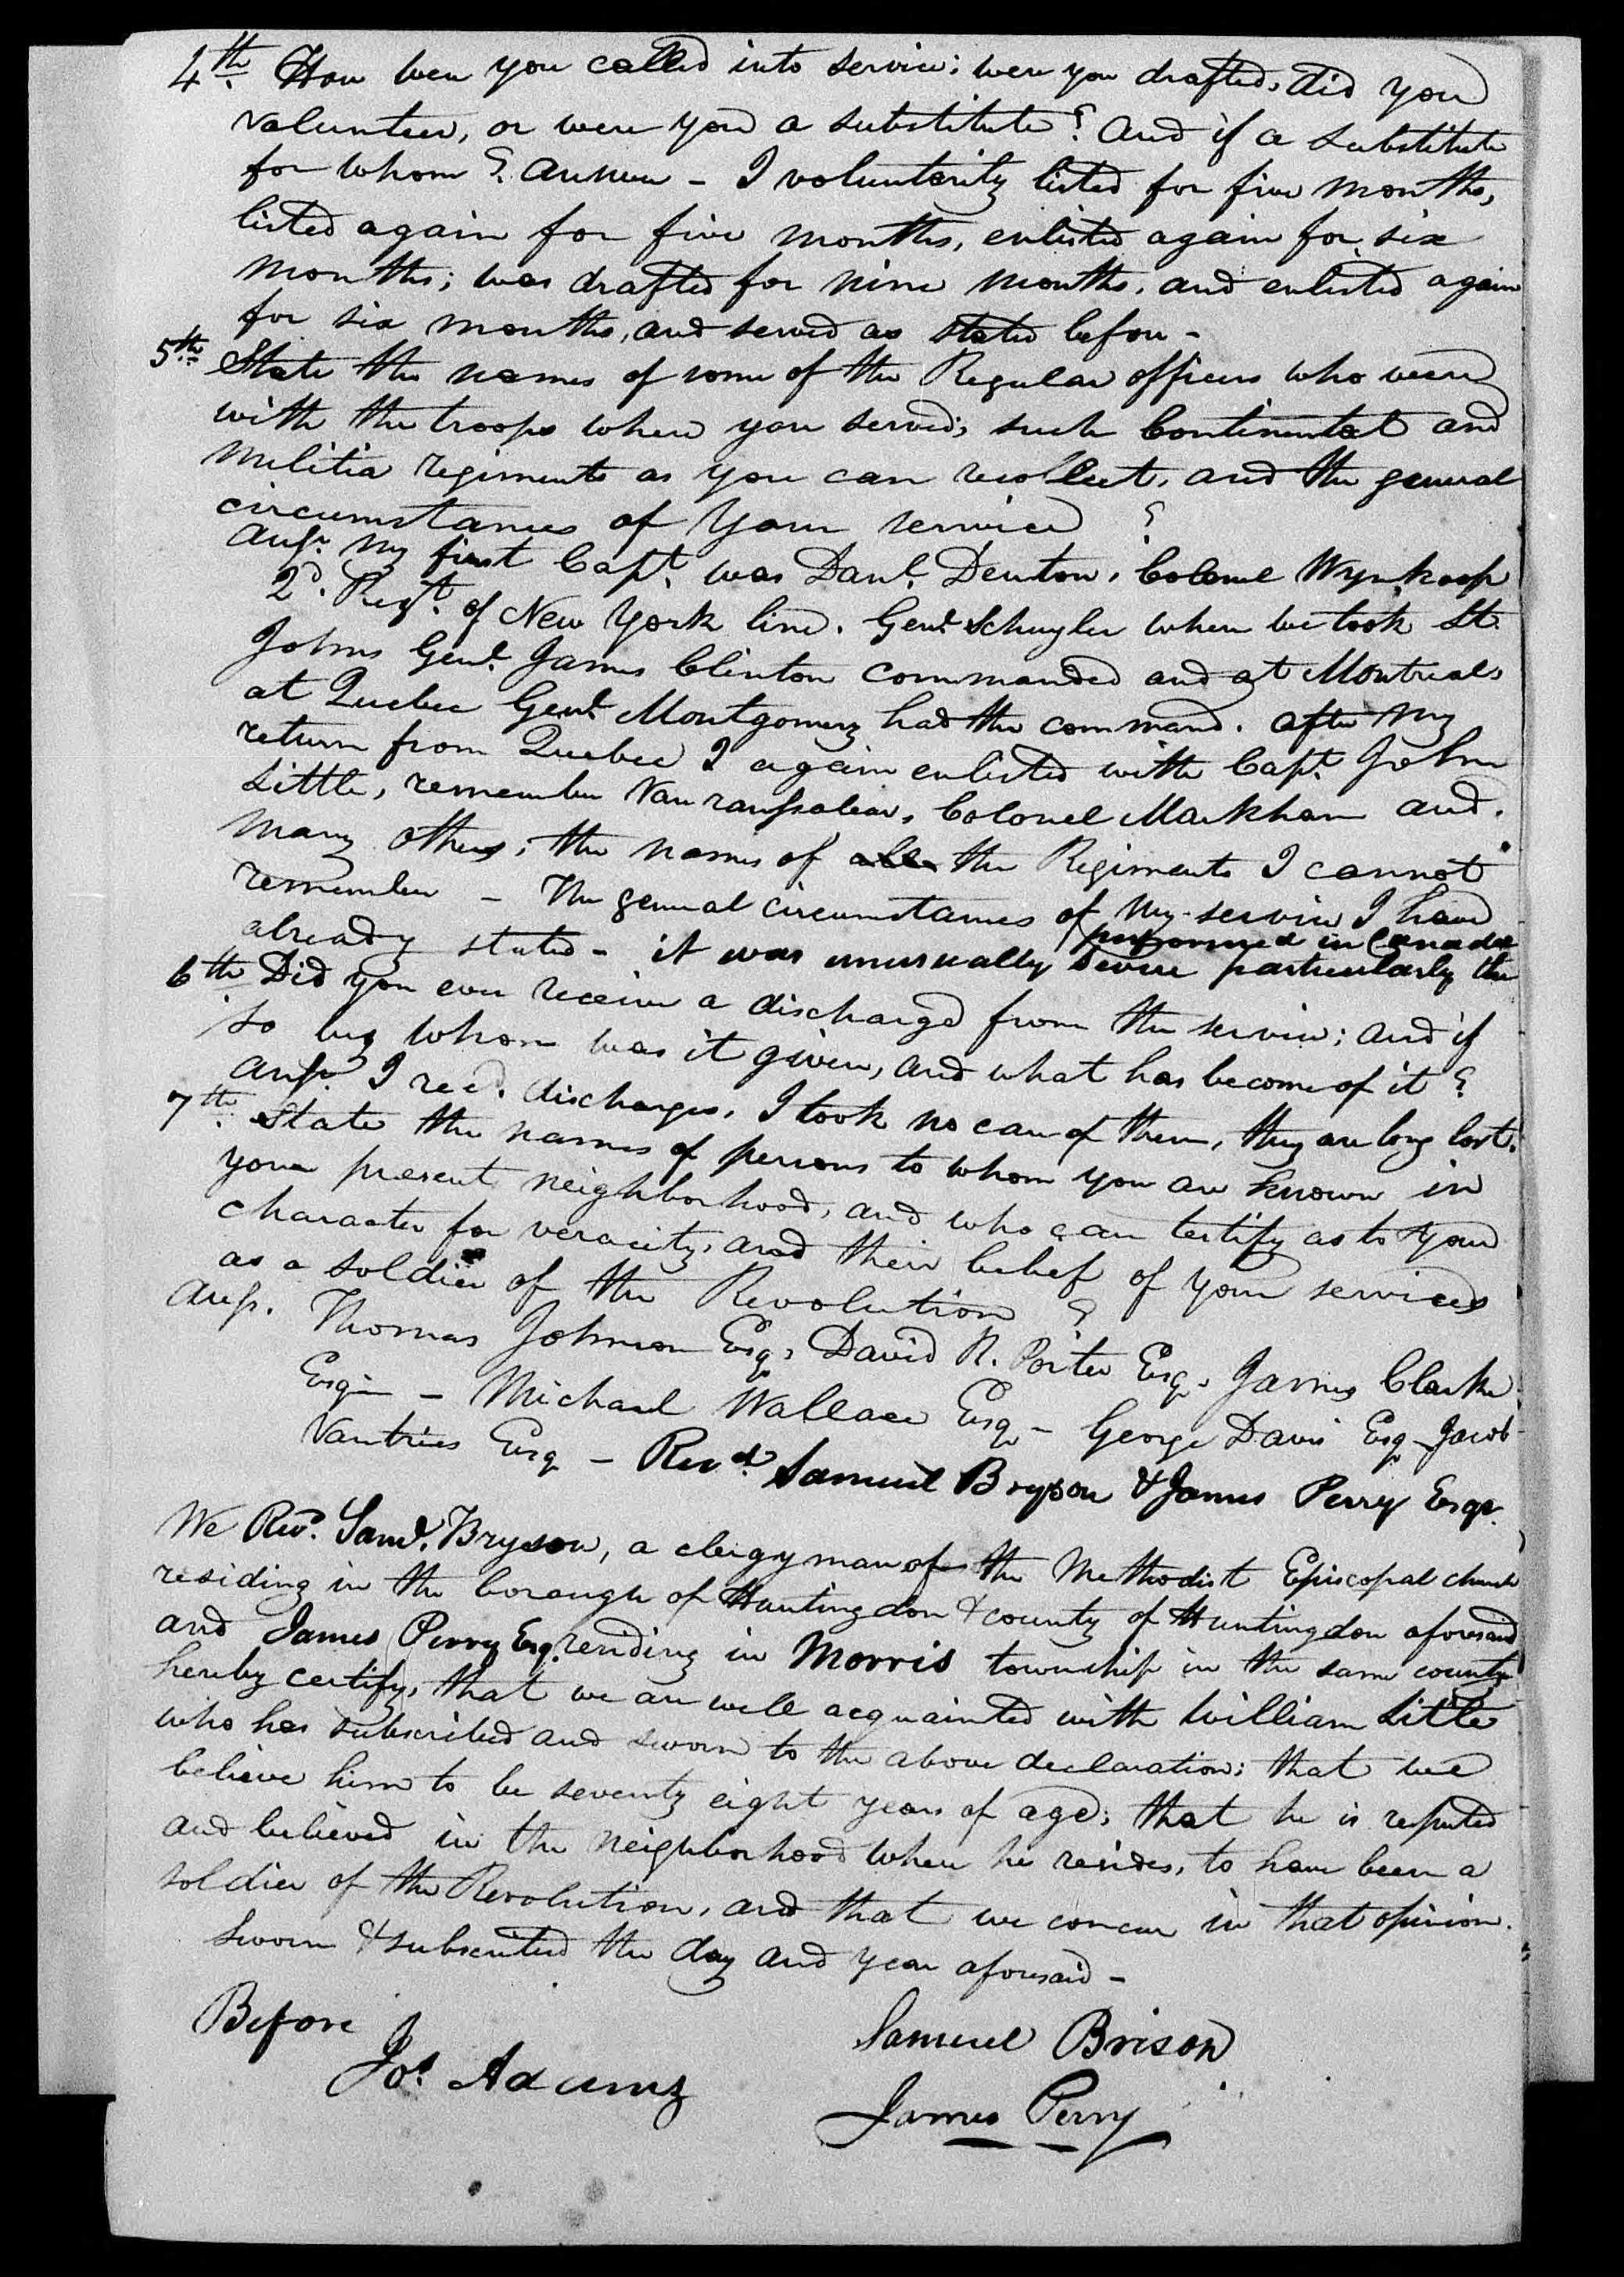4th. - How were you called into service; were you drafted, did you volunteer, or were you a substitute? And if a substitute, for whom?Answer. I voluntarily listed for five months,
listed again for five months, enlisted again for six months, was drafted for nine months, and enlisted again for six months, and served as stated before.
5th. - State the names of some of the Regular officers who were with the troops when you served, such Continental and Militia Regiments as you can recollect, and the general 
circumstances of your service?
Ans.  My first Capt. was Dan'l Denton, Colonel Wynkoop, 2d Regt of New York line, Gen Schuyler; when we took St. Johns Genl James Clinton Commanded and at Montreal
at Quebec Genl Montgomery had the command. After my return from Quebec I again enlisted with Capt John Little, remember Van Rensselaer, Colonel Markham and
many others, the names of all the Regiments I cannot remember -  The general circumstances of my service I have already stated - it was unusually severe; particularly that performed in Canada. 
6th. - Did you ever receive a discharge from the service; and if so by whom was it given, and what has become of it?
Ans.  I rec'd discharges. I took no care of them. 
They are long lost.
7th. - State the names of persons to whom you are known in your present neighborhood, and who can testify as to your character for veracity, and their belief of your services
as a soldier of the Revolution?
Ans. - Thomas Johnson Esq, David R. Porter Esq. James Clark Esq, Michael Wallace Esq, George Davis Esq., Jacob Vantries Esq - Revd Samuel Bryson & James Perry Esqr.

We, Rev'd Saml Bryson, a clergyman of the Methodist Episcopal Church residing in the borough of Huntingdon & County of Huntingdon aforesaid and James Perry Esq. residing in Morris township in the same county
hereby certify, that we are well acquainted with William Little [Lytle] who has subscribed and sworn to the above declaration; that we
believe him to be seventy eight years of age, that he is reputed and believed in the neighborhood when he resides, to have been a
soldier of the Revolution, and that we concur in that opinion.
Sworn & subscribed the day and year aforesaid before Jos Adams
[signed] Samuel Brison
[signed] James Perry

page: 23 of 24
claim: survivor's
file: S. 13810, for William Lytle, New York